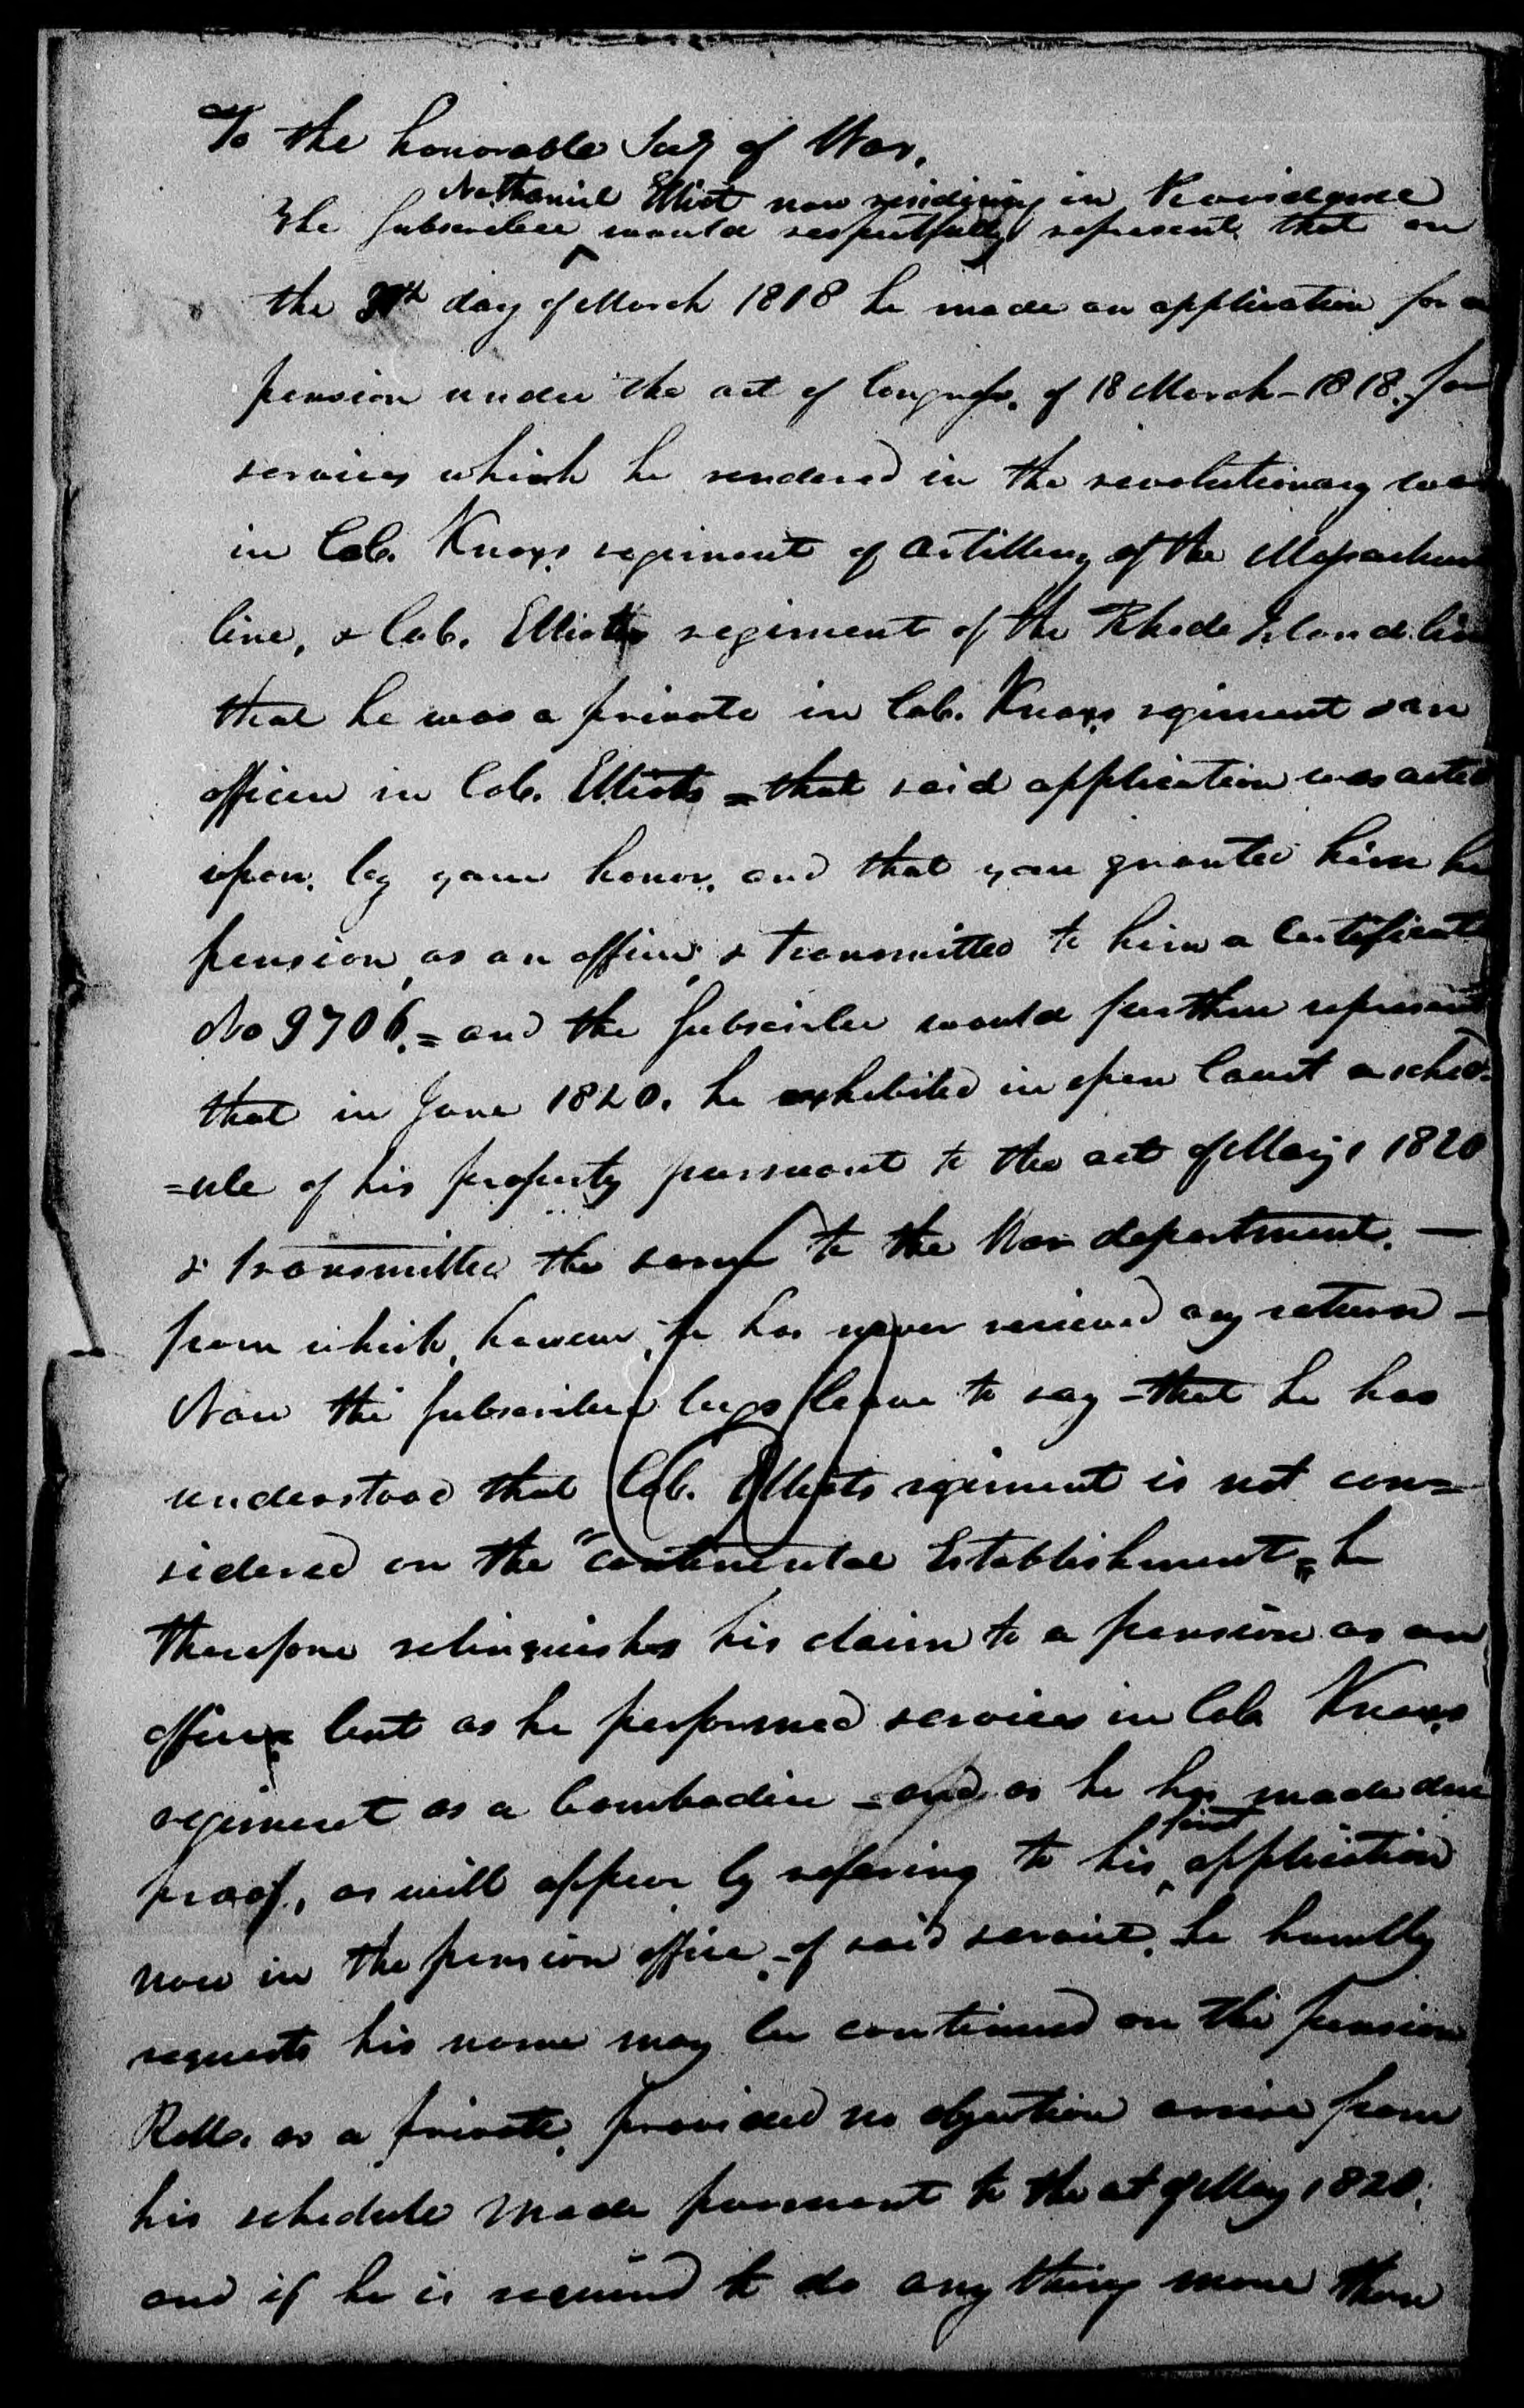To the honorable Secy of War, 
The subscribed Nathaniel Elliott now residing in Providence would respectfully represent that on
the 20th day of March 1818 he made an application for a 
pension under the act of Congress of 18 March 1818 for
services which he rendered in the revolutionary war
in Col. Knox’s regiment of Artillery of the Massachusetts 
line & Col. Elliotts regiment of the Rhode Island line 
that he was a private in Col. Knox’s regiment & an
officer in Col. Elliot’s - that said application was acted
upon by your honor and that your granted him his
pension as an officer & transmitted to him a certificate
No 9706. and the subscriber would further represent
that in June 1820, he exhibited in open Court a schedule 
of his property pursuant to the act of May 1 1820
transmitted the same to the War department.
from which, however, he has never receive any return.
Now the subscriber begs leave to say that he has
understood that Col. Elliot’s regiment is not 
considered on the “continental Establishment, he 
therefore relinquishes his claim to a pension as an
officer but as he performed services in Col. Knox’s 
regiment as a Bombadier and as he has made due
proof, as will appear by refering to his first application
now in the pension office of said service, he hereby
requests his name may be continued on the pension
Roll as a private provided no objection arises from
his schedule made pursuant to the act of May 1820
and if he is required to do any thing more the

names: Elliot, Nathaniel Elliot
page: 11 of 29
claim: survivor's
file: S. 38679, Nathaniel Elliot, Continental R.I.